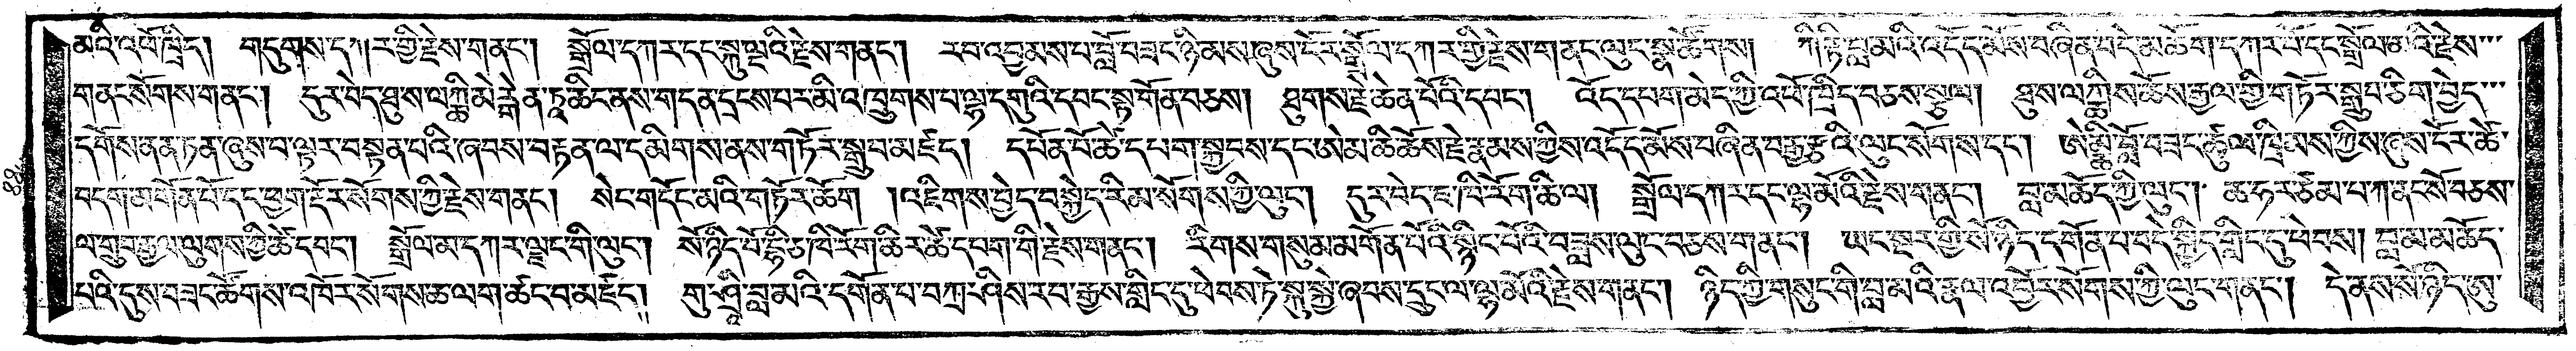མའི་འཕོ་ཁྲིད། གདུགས་དཀར་གྱི་རྗེས་གནང་། སྒྲོལ་དཀར་དང་སྐུ་ལྔའི་རྗེས་གནང་། རབ་འབྱམས་པ་བློ་བཟང་ཉི་མས་ཞུས་ངོར་སྒྲོལ་དཀར་གྱི་རྗེས་གནང་ལུང་སྣ་ཚོགས། ཀི་རྟི་བླ་མའི་འདོད་མོས་བཞིན་བདེ་མཆོག་དཀར་པོ་དང་སྒྲོལ་མའི་རྗེས་
གནང་སོགས་གནང་། དུར་བདེ་ཐུ་ས་ལཀྖི་མེརྒེན་ཏཱ་ཆིང་ནས་གདན་དྲངས་བར་མི་འཁྲུགས་པ་ལྷ་དགུའི་དབང་སྟ་གོན་བཅས། ཐུགས་རྗེ་ཆེན་པོའི་དབང་། འོད་དཔག་མེད་ཀྱི་འཕོ་ཁྲིད་བཅས་སྩལ། ཐུས་ལཀྨིས་ཆོས་རྒྱལ་གཏོར་སྒྲུབ་ཅིག་བྱེད་
དགོས་ནན་ཏན་ཞུས་བ་ལྟར་བསྟན་པའི་ཞབས་བརྟན་ལ་དམིགས་ནས་གཏོར་སྒྲུབ་མཛད། དཔོན་པོ་ཚེ་དཔག་སྐྱབས་དང་ཨེམ་ཆི་ཆོས་རྗེ་རྣམས་ཀྱིས་འདོད་མོས་བཞིན་བརྒྱ་རྩའི་ལུང་སོགས་དང་། ཨེམཆི་བློ་བཟང་ཚུལ་ཁྲིམས་ཀྱིས་ཞུས་ངོར་ཚེ་
བདག་མགོན་པོ་དང་ཕྱག་རྡོར་སོགས་ཀྱི་རྗེས་གནང་། སེང་གདོང་མའི་གཏོར་ཆོག །འཇིགས་བྱེད་བསྐྱེད་རིམ་སོགས་ཀྱི་ལུང་། དུར་བེད་ཇ་ཁི་རོག་ཆི་ལ། སྒྲོལ་དཀར་དང་ལྷ་མོའི་རྗེས་གནང་། བླ་མཆོད་ཀྱི་ལུང་། ཆ་ཧར་ཙམ་པ་ཀ་ནང་སོ་བཅས་
ལ་གྲུབ་རྒྱལ་ལུགས་ཀྱི་ཚེ་དབང་། སྒྲོལ་མ་དཀར་ལྗང་གི་ལུང་། སོ་ཉིད་བོ་དྷི་ཅ་ཁི་རོག་ཆིར་ཚེ་དཔག་གི་རྗེས་གནང་། རིགས་གསུམ་མགོན་པོའི་སྙིང་པོའི་བཟླས་ལུང་བཅས་གནང་། ཡང་སྔར་གྱི་སོ་ཉིད་དགོན་པ་བདེ་སྐྱིང་གླིང་དུ་ཕེབས། བླ་མ་མཆོད་
བའི་དུས་བཟང་ཚོགས་འཁོར་སོགས་ཆ་ལག་ཚང་བ་མཛད། གུ་ཤྲཱི་བླ་མའི་དགོན་པ་བཀྲ་ཤིས་རབ་རྒྱས་གླིང་དུ་ཕེབས་ཏེ་སྐུ་སྐྱེ་ཞབས་དྲུང་ལ་ལྷ་མོའི་རྗེས་གནང་། ཉིད་ཀྱི་གསུང་གི་བླ་མའི་རྣལ་འབྱོར་སོགས་ཀྱི་ལུང་གནང་། དེ་ནས་སོ་ཉིད་ཨུ་